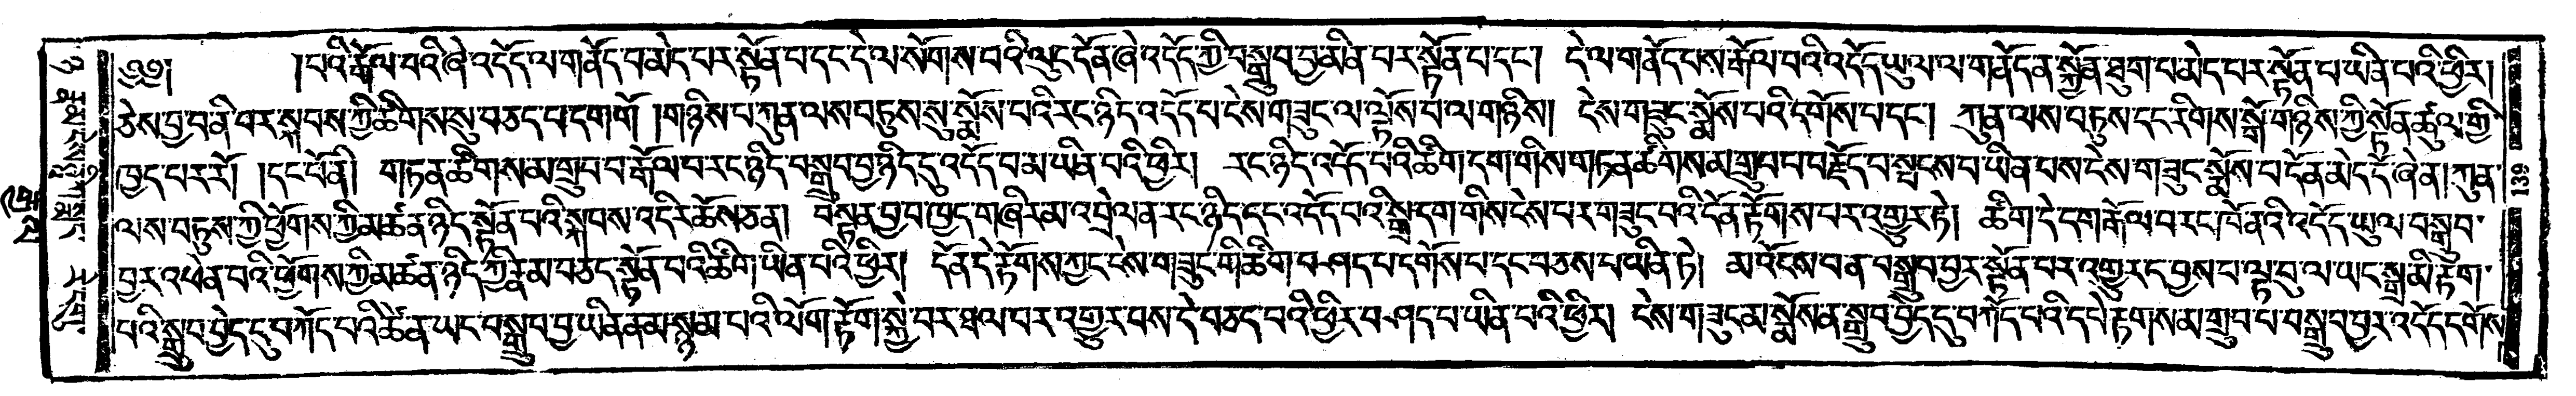༄༅། །པའི་རྒོལ་བའི་ཞེ་འདོད་ལ་གནོད་པ་མེད་པར་སྟོན་པ་དང་དེ་ལ་སོགས་པའི་ལུང་དོན་ཞེ་འདོད་ཀྱི་བསྒྲུབ་བྱ་མིན་པར་སྟོན་པ་དང་། དེ་ལ་གནོད་པས་རྒོལ་བའི་འདོད་ཡུལ་ལ་གནོད་ན་སྐྱོན་ཐུག་པ་མེད་པར་སྟོན་པ་ཡིན་པའི་ཕྱིར།
ཅེས་བྱ་བ་ནི་བར་སྐབས་ཀྱི་ཚིགས་སུ་བཅད་པ་དག་གོ། །གཉིས་པ་ཀུན་ལས་བཏུས་སུ་སྨོས་པའི་རང་ཉིད་འདོད་པ་ངེས་གཟུང་ལ་ལྟོས་པ་ལ་གཉིས། ངེས་གཟུང་སྨོས་པའི་དགོས་པ་དང་། ཀུན་ལས་བཏུས་དང་རིགས་སྒོ་གཉིས་ཀྱི་སྟོན་ཚུལ་གྱི་
ཁྱད་པར་རོ། །དང་པོ་ནི། གཏན་ཚིགས་མ་གྲུབ་བ་རྒོལ་བ་རང་ཉིད་བསྒྲུབ་བྱ་ཉིད་དུ་འདོད་པ་མ་ཡིན་པའི་ཕྱིར། རང་ཉིད་འདོད་པའི་ཚིག་དག་གིས་གཏན་ཚིགས་མ་གྲུབ་པ་བརྗོད་པ་སྤངས་པ་ཡིན་པས་ངེས་གཟུང་སྨོས་པ་དོན་མེད་དོ་ཞེ་ན། ཀུན་
ལས་བཏུས་ཀྱི་ཕྱོགས་ཀྱི་མཚན་ཉིད་སྟོན་པའི་སྐབས་འདིར་ཆོས་ཅན། བསྟན་བྱ་བ་ཁྱད་གཞིར་མ་འབྲེལ་ན་རང་ཉིད་དང་འདོད་པའི་སྒྲ་དག་གིས་ངེས་པར་གཟུང་བའི་དོན་རྟོགས་པར་འགྱུར་ཏེ། ཚིག་དེ་དག་རྒོལ་བ་རང་ཁོ་ནའི་འདོད་ཡུལ་བསྒྲུབ་
བྱར་འཕེན་པའི་ཕྱོགས་ཀྱི་མཚན་ཉིད་ཀྱི་རྣམ་བཅད་སྟོན་པའི་ཚིག་ཡིན་པའི་ཕྱིར། དོན་དེ་རྟོགས་ཀྱང་ངེས་གཟུང་གི་ཚིག་བཤད་པ་དགོས་པ་དང་བཅས་པ་ཡིན་ཏེ། མ་འོངས་པ་ན་བསྒྲུབ་བྱར་སྟོན་པར་འགྱུར་བ་བྱས་པ་ལྟ་བུ་ལ་ཡང་སྒྲ་མི་རྟག་
པའི་སྒྲུབ་བྱེད་དུ་བཀོད་པའི་ཚེ་ན་ཡང་བསྒྲུབ་བྱ་ཡིན་ནམ་སྙམ་པའི་ལོག་རྟོག་སྐྱེ་བར་ཐལ་བར་འགྱུར་བས་དེ་བཅད་པའི་ཕྱིར་བཤད་པ་ཡིན་པའི་ཕྱིར། ངེས་གཟུང་མ་སྨོས་ན་སྒྲུབ་བྱེད་དུ་བཀོད་པའི་དཔེ་རྟགས་མ་སྒྲུབ་པ་བསྒྲུབ་བྱར་འདོད་དགོས་